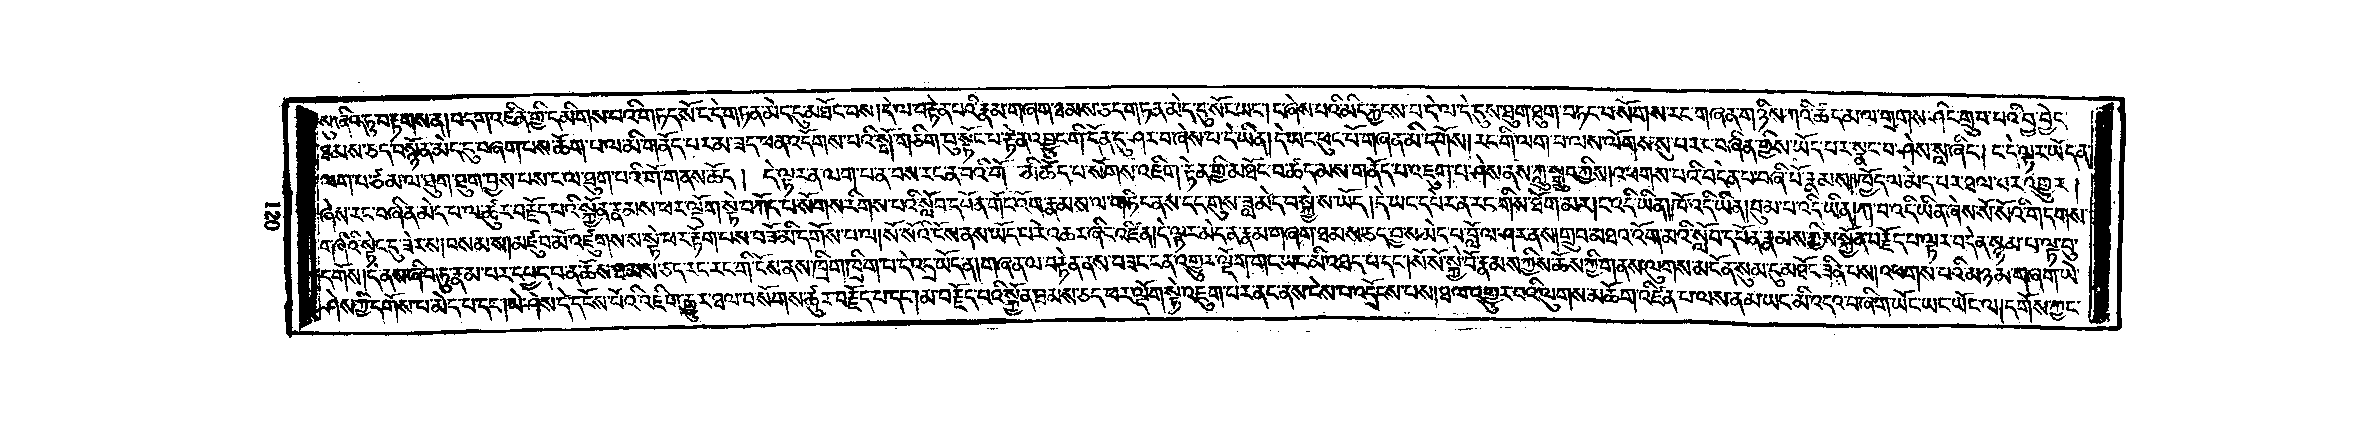སུ་ཞིབ་ཏུ་བརྟགས་ན། བདག་འཛིན་གྱི་དམིགས་པའི་གཏད་སོ་ང་དེ་གཏན་མེད་དུ་མཐོང་བས། དེ་ལ་བརྟེན་པའི་རྣམ་གཞག་ཐམས་ཅད་གཏན་མེད་དུ་སོང་ཡང་། ང་ཞེས་པའི་མིང་རྐྱངས་པ་དེ་ལ་དེ་དུས་ཐུག་ཐུག་བཏང་བ་སོགས་རང་གཞན་གཉིས་ཀའི་ཚད་མ་ལ་གྲགས་ཤིང་གྲུབ་པའི་བྱ་བྱེད་
ཐམས་ཅད་བསྙོན་མེད་དུ་བཞག་པས་ཆོག་པ་ལ་མི་གནོད་པར་མ་ཟད་ཕན་འདོགས་པའི་སྒོ་གཅིག་པུ་སྟོང་པ་རྟེན་འབྱུང་གི་དོན་དུ་ཤར་བ་ཞེས་པ་དེ་ཡིན། དེ་ཡང་ཕུང་པོ་གཞན་མི་དགོས། རང་གི་ལག་པ་ལས་ལོགས་སུ་པ་རང་བཞིན་གྱིས་ཡོད་པར་སྣང་བ་ཤེས་སླ་ཞིང་། ང་དེ་ལྟར་ཡོད་ན་
ལག་པ་ཙམ་ལ་ཐུག་ཐུག་བྱས་པས་ང་ལ་ཐུག་པའི་གོ་གནས་ཆོད། དེ་ལྟར་ན་ལག་པ་ན་བས་རང་ན་བའི་གོ་མི་ཆོད་པ་སོགས་འཇིག་རྟེན་གྱི་མཐོང་བ་ཚད་མས་གནོད་པ་འཇུག་པ་ཤེས་ནས་ཀླུ་སྒྲུབ་ཀྱིས། འཕགས་པའི་བདེན་པ་བཞི་པོ་རྣམས། །ཁྱོད་ལ་མེད་པར་ཐལ་པར་འགྱུར།
ཞེས་རང་བཞིན་མེད་པ་ལ་ཚུར་བརྗོད་པའི་སྐྱོན་རྣམས་ཕར་ལྡོག་སྟེ་བཀོད་པ་སོགས་རིགས་པའི་སློབ་དཔོན་གོང་འོག་རྣམས་ལ་གཏིང་ནས་དང་གུས་ཟླ་མེད་བསྐྱེ་ས་ཡོད། དེ་ཡང་དཔེར་ན་རང་གིས་ཐོག་མར། ང་འདི་ཡིན། ཁོ་འདི་ཡིན། བུམ་པ་འདི་ཡིན། ཀ་བ་འདི་ཡིན་ཞེས་སོ་སོའི་གདགས་
གཞིའི་སྟེང་དུ་ཟེར་ས། བསམ་ས། མཛུབ་མོ་འཛུགས་ས་སྟེ་ཕར་རྟོག་པས་བཟོ་མི་དགོས་པ་ལ། སོ་སོའི་ངོས་ནས་ཡོད་པ་རེ་འཆར་ཞིང་འཛིན། དེ་ལྟར་མེད་ན་རྣམ་གཞག་ཐམས་ཅད་བྱས་མེད་པ་བློ་ལ་ཤར་ནས། གྲུབ་མཐའ་འོག་མའི་སློབ་དཔོན་རྣམས་ཀྱིས་སྐྱོན་བརྗོད་པ་ལྟར་བདེན་སྙམ་པ་ལྟ་བུ་
དགོས། དེ་ནས་ཞིབ་ཏུ་རྣམ་པར་དཔྱད་པ་ན་ཆོས་ཐམས་ཅད་རང་རང་གི་ངོས་ནས་ཁྲིག་ཁྲིག་པ་དེ་འདྲ་ཡོད་ན། གཞན་ལ་བརྟེན་ནས་བཟང་ངན་འགྱུར་ལྡོག་གང་ཡང་མི་འཐད་པ་དང་། སོ་སོ་སྐྱེ་བོ་རྣམས་ཀྱིས་ཆོས་ཀྱི་གནས་ལུགས་མངོན་སུམ་དུ་མཐོང་ཟིན་པས། འཕགས་པའི་མཉམ་གཞག་ཡེ་
ཤེས་ཀྱི་དགོས་པ་མེད་པ་དང་། ཡེ་ཤེས་དེ་དངོས་པོའི་འཇིག་རྒྱུར་ཐལ་བ་སོགས་ཚུར་བརྗོད་པ་དང་། མ་བརྗོད་པའི་སྐྱོན་ཐམས་ཅད་ཕར་ལྡོག་སྟེ་འཇུག་པར་ནང་ནས་ངེས་པ་འདྲོངས་པས། ཐལ་འགྱུར་བའི་ལུགས་མཆོག་འཛིན་པ་ལས་ནམ་ཡང་མི་འདའ་བ་ཞིག་ཡོང་ཡང་ཡོང་ལ། དགོས་ཀྱང་